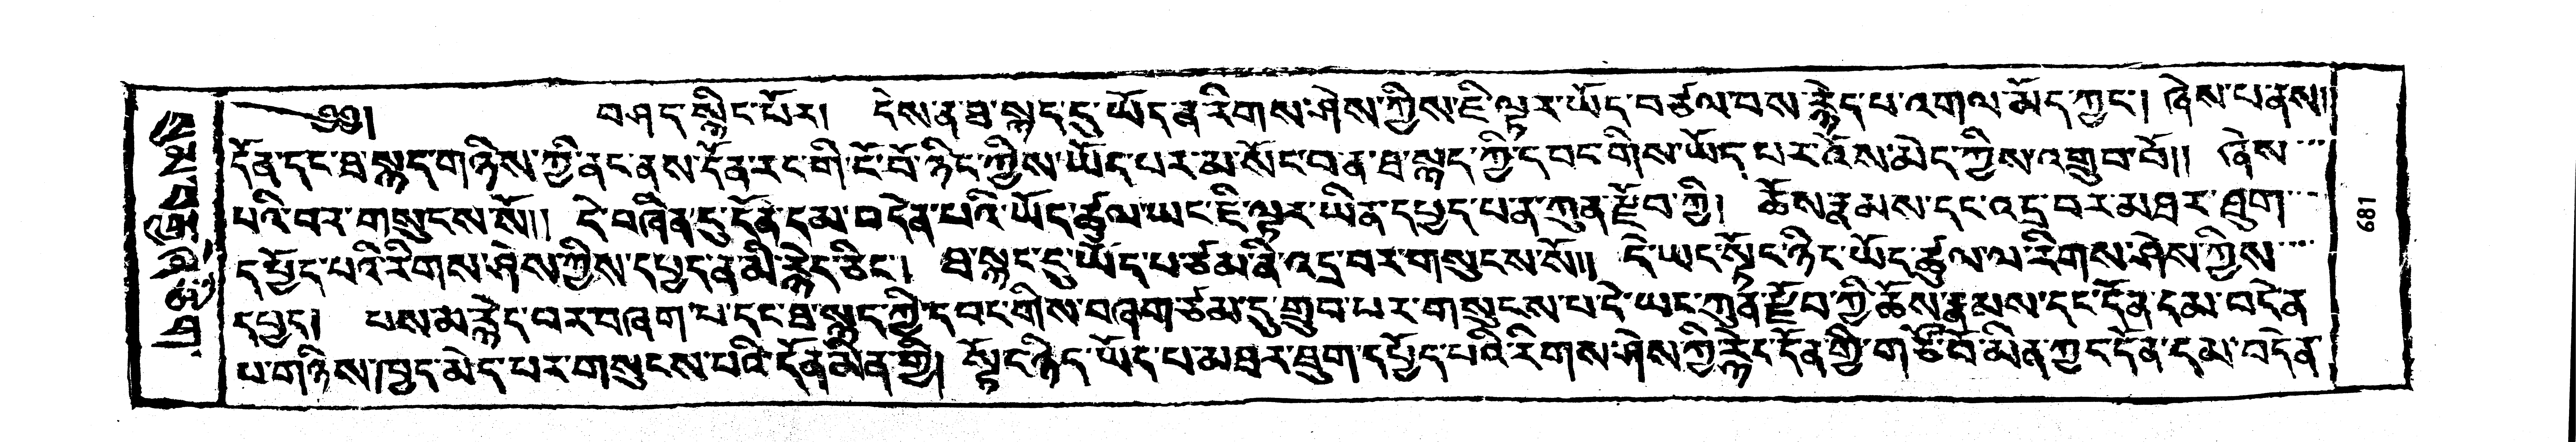༄༅། །བཤད་སྙིང་པོར། དེས་ན་ཐ་སྙད་དུ་ཡོད་ན་རིགས་ཤེས་ཀྱིས་ཇི་ལྟར་ཡོད་བཙལ་བས་རྙེད་པ་འགལ་མོད་ཀྱང་། ཞེས་པ་ནས།
དོན་དང་ཐ་སྙད་གཉིས་ཀྱི་ནང་ནས་དོན་རང་གི་ངོ་བོ་ཉིད་ཀྱིས་ཡོད་པར་མ་སོང་བ་ན་ཐ་སྙད་ཀྱི་དབང་གིས་ཡོད་པར་འོས་མེད་ཀྱིས་འགྲུབ་བོ། །ཞེས་
པའི་བར་གསུངས་སོ། །དེ་བཞིན་དུ་དོན་དམ་བདེན་པའི་ཡོད་ཚུལ་ཡང་ཇི་ལྟར་ཡིན་དཔྱད་པ་ན་ཀུན་རྫོབ་ཀྱི། ཆོས་རྣམས་དང་འདྲ་བར་མཐར་ཐུག་
དཔྱོད་པའི་རིགས་ཤེས་ཀྱིས་དཔྱད་ན་མི་རྙེད་ཅིང་། ཐ་སྙད་དུ་ཡོད་པ་ཙམ་ནི་འདྲ་བར་གསུངས་སོ། །དེ་ཡང་སྟོང་ཉིད་ཡོད་ཚུལ་ལ་རིགས་ཤེས་ཀྱིས་
དཔྱད། པས་མ་རྙེད་པར་བཞག་པ་དང་ཐ་སྙད་ཀྱི་དབང་གིས་བཞག་ཙམ་དུ་གྲུབ་པར་གསུངས་པ་དེ་ཡང་ཀུན་རྫོབ་ཀྱི་ཆོས་རྣམས་དང་དོན་དམ་བདེན་
པ་གཉིས་ཁྱད་མེད་པར་གསུངས་པའི་དོན་མིན་གྱི། སྟོང་ཉིད་ཡོད་པ་མཐར་ཐུག་དཔྱོད་པའི་རིགས་ཤེས་ཀྱི་རྙེད་དོན་གྱི་གཙོ་བོ་མིན་ཀྱང་དོན་དམ་བདེན་